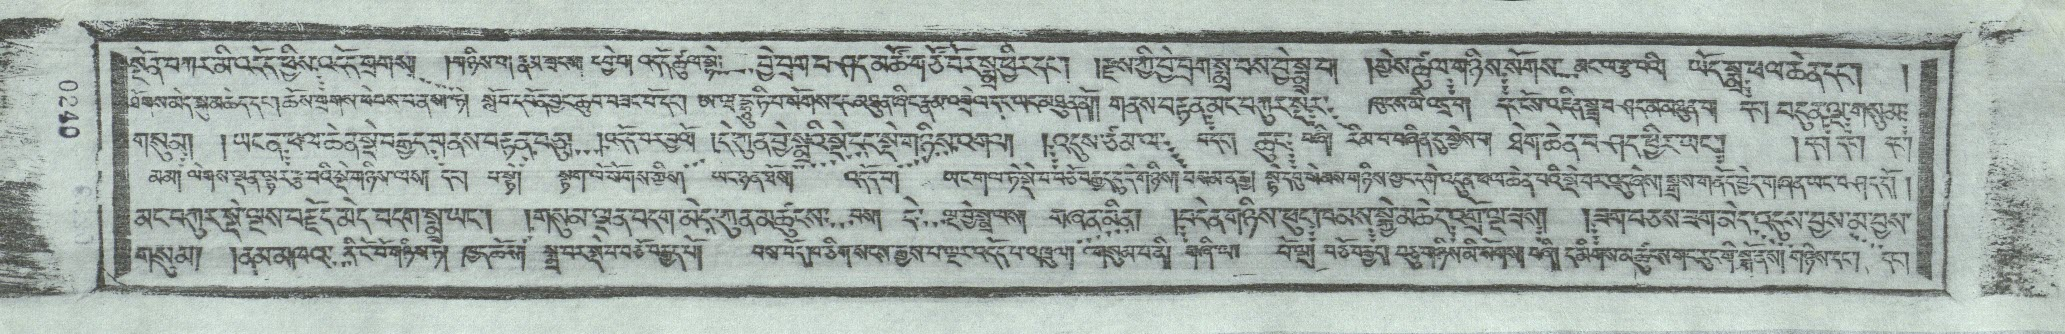སྔོན་བཀར་མི་འདོད་ཕྱིས་འདོད་གྲགས། །གཉིས་པ། རྣམ་གྲངས། དབྱེ་བ་འདོད་ཚུལ་སྟེ། བྱེ་བྲལ་བཤད་མཆོག་གཙོ་བོར་སྒྲ་ཕྱིར་དང་། །རྫས་ཀྱི་བྲེ་བྲག་སྨྲ་བས་བྱེ་སྨྲ་བ། །གྱི་ཚུལ་གཉིས་སོགས་མངལ་རྩ་བའི། ཡོད་སྨྲ་ཕལ་ཆེན་དང་། །
ཐོགས་མེད་སྐུ་མཆེད་དང་། ཆོས་གྲགས་ཕེབས་པ་རྣམ་ཏེ། སློབ་དཔོན་བྱང་ཆུབ་བཟང་པོ་དང་། ཨ་ཝ་?་ཏི་པ་སོགས་དང་མཐུན་ཞིང་རྣམ་འགྲེལ་དང་ཡང་མཐུན་ནོ། གནས་བརྟན་མང་བཀུར་སྡེར། ཁུངས་མི་འདྲབ། དང་ངོ། འཛིན་སྒྲ་བཤད་མ་མཐུན། །དང་། བདུན་ལྔ་གསུང་
གསུམ། །ཡང་ན་ཕལ་ཆེན་སྡེ་བརྒྱད་གནས་བརྟན་བཅུ། །འདོད་པར་པར་བྱའོ། དེ་ཀུན་བྱེ་སྨྲའི་སྡེ་གཉིས་འགལ། །འདུས་ཙམ་ལ། བ་དང་། ཆུང་བཞི། རིམ་བ་བཞིན་དུ་གྱེས་པ་ཐེག་ཆེན་བཤད་ཕྱིར་ཡང་། །དང་། དང་། དང་།
ཆས?་ལེགས་ལྡན་ལྟར་རྩ་བའི་སྡེ་གཉིས་ལས། དང་། པ་སྟེ། སྟག་ལོ་སོགས་ཀྱིས། ཡང་ཉན་ཐོས། འདོད་པ། ཡང་གལ?་ཏེ་སྡེ་པ་བཅོ་བརྒྱུད་གཉིས་བསམ་ན་རྒྱུ། སྟེ་དབུ་སེམས་གཉིས་ཀྱང་དགེ་འདུན་ཕལ་ཆེན་པའི་སྡེ་བར་འདུ་ཞེས། སྒུས་གནོད་བྱེད་གཞན་ཡང་བཤད་དོ།
མང་བཀུར་སྡེ་ལྔས་བརྗོད་མེད་བདག་སྨྲ་ཡང་། །གསུམ་ལྡན་བདག་མེད་ཀུན་མཚུངས་བས། དེ་ལྔ་བྱི་སྨྲ་ལས། གཞན་མིན། །བདེན་གཉིས་མུང་ཁམས་སྐྱེ་མཆེད་འགྲོ་ལྔ་ཟས། །ཟག་བཅས་ཟག་མེད་འདུས་བྱས་མ་བྱས་
གསུམ། །ནམ་མཁའ་??་གཉིས་ཏེ། ཁྱད་ཆོས། སྨྲ་བར་སྡེས་བཅོ་བརྒྱད་པོ། བས་བོད་ཁ་ཅིག་སངས་རྒྱས་པ་ལྔར་འདོད་པ་འཁྲུལ། བཞི་ལ་པོ་ལྔ། བཅོ་བརྒྱད། བཅུ་གཉིས་མི་སོགས། བཞི། དམིགས་མཚུངས་གང་བུང་གི་སྒོ་ནས། གཉིས་དང་དང་།